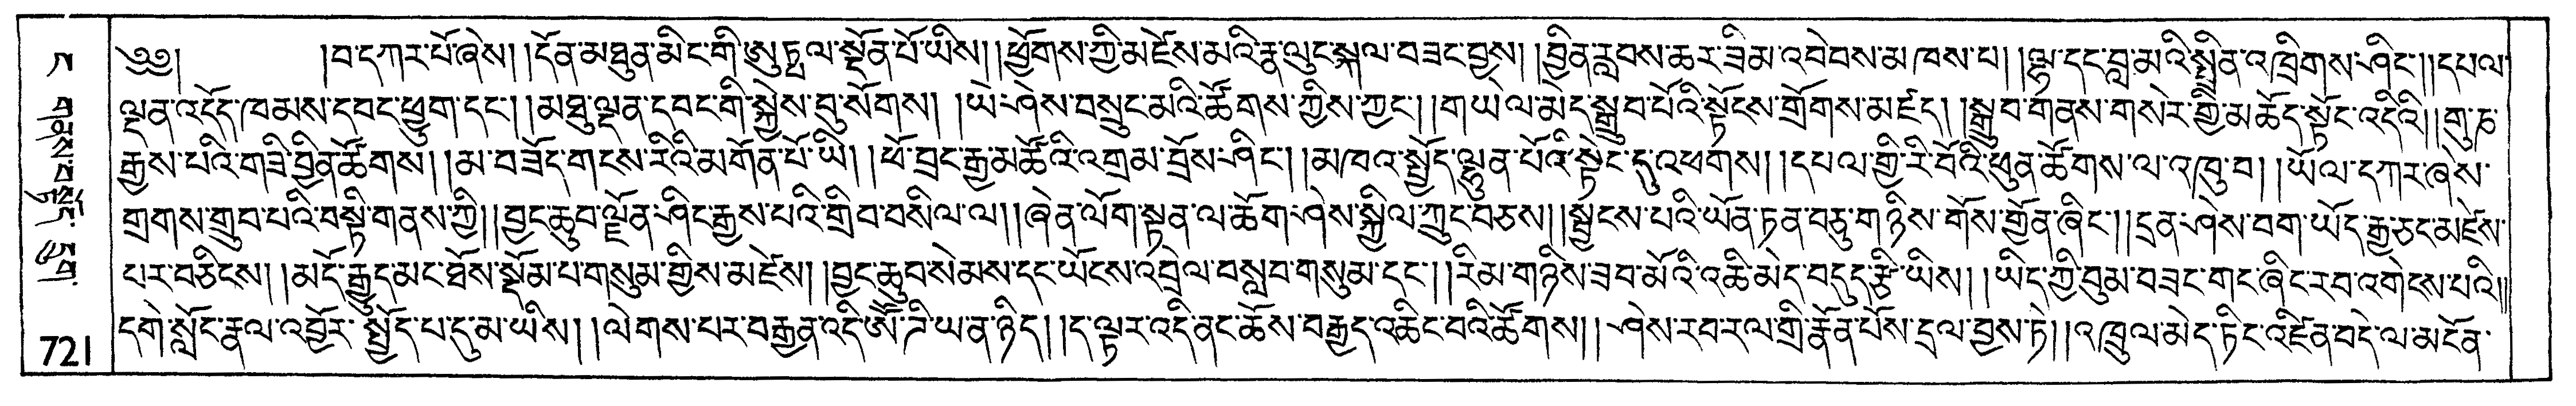༄༅། །བ་དཀར་པོ་ཞེས། །དོན་མཐུན་མིང་གི་ཨུཏྤལ་སྔོན་པོ་ཡིས། །ཕྱོགས་ཀྱི་མཛེས་མའི་རྣ་ལུང་སྐལ་བཟང་བྱས། །བྱིན་རླབས་ཆར་ཟིམ་འབེབས་མཁས་པ། །ལྷ་དང་བླ་མའི་སྤྲིན་འཁྲིགས་ཤིང་། །དཔལ་
ལྡན་འདོད་ཁམས་དབང་ཕྱུག་དང་། །མཐུ་ལྡན་དབང་གི་སྐྱེས་བུ་སོགས། །ཡེ་ཤེས་བསྲུང་མའི་ཚོགས་ཀྱིས་ཀྱང་། །གཡེལ་མེད་སྒྲུབ་པོའི་སྟོངས་གྲོགས་མཛད། །སྒྲུབ་གནས་གསེར་གྱི་མཆོད་སྟོང་འདིའི། །གུ་ཎ་
རྒྱས་པའི་གཟི་བྱིན་ཚོགས། །མ་བཟོད་གངས་རིའི་མགོན་པོ་ཡི། །ཕོ་བྲང་རྒྱ་མཚོའི་འགྲམ་བྲོས་ཤིང་། །མཁའ་སྤྱོད་ལྷུན་པོའི་སྟེང་དུ་འཕགས། །དཔལ་གྱི་རི་བོའི་ཕུན་ཚོགས་ལ་འཁུ་བ། །ཡོལ་དཀར་ཞེས་
གྲགས་གྲུབ་པའི་བསྟི་གནས་ཀྱི། །བྱང་ཆུབ་ལྗོན་ཤིང་རྒྱས་པའི་གྲིབ་བསིལ་ལ། །ཞེན་ལོག་སྟན་ལ་ཆོག་ཤེས་སྐྱིལ་ཀྲུང་བཅས། །སྦྱངས་པའི་ཡོན་ཏན་བཅུ་གཉིས་གོས་གྱོན་ཞིང་། །དྲན་ཤེས་བག་ཡོད་རྒྱ་ཅང་མཛེས་
པར་བཅིངས། །མདོ་རྒྱུད་མང་ཐོས་སྡོམ་པ་གསུམ་གྱིས་མཛེས། །བྱང་ཆུབ་སེམད་དང་ཡོངས་འབྲེལ་བསླབ་གསུམ་དང་། །རིམ་གཉིས་ཟབ་མོའི་འཆི་མེད་བདུད་རྩི་ཡིས། །ཡིད་ཀྱི་བུམ་བཟང་གང་ཞིང་རབ་འགེངས་པའི།།
དགེ་སློང་རྣལ་འབྱོར་སྤྱོད་པ་དུ་མ་ཡིས། །ལེགས་པར་བརྒྱན་འདི་ཨོཾ་ཌི་ཡ་ན་ཉིད། །ད་ལྟར་འདི་ནང་ཆོས་བརྒྱད་འཆིང་བའི་ཚོགས། །ཤེས་རབ་རལ་གྲི་རྣོན་པོས་དྲལ་བྱས་ཏེ། །འཁྲུལ་མེད་ཏིང་འཛིན་བདེ་ལ་མངོན་